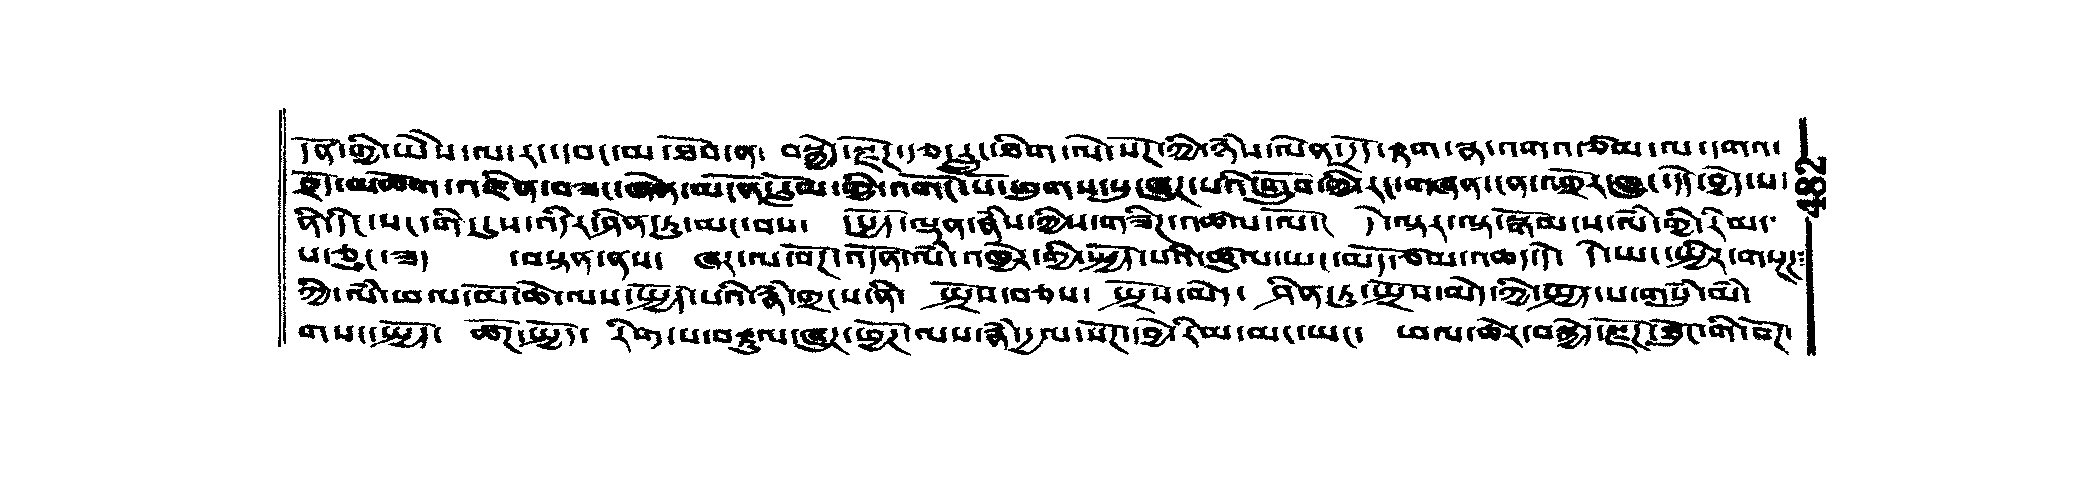དོན་གྱི་ཡེ་ཤེས་ལ་རང་དབང་མ་ཐོབ་ན། བསྐྱེད་རྫོགས་རྩ་རླུང་ཐིག་ལེ་སོགས་ཀྱི་ཉམས་ལེན་དྲོད་རྟགས་སྣ་འགའ་ཙམ་ལ་དགའ་
བྲོད་མཆོག་འཛིན་བཟང་ཞེན་མངོན་རློམ་གྱི་འགོང་པོ་ཕུགས་སུ་ཞུགས་པའི་གྲུབ་ཐོབ་ཀྱི་རང་གཞན་ངན་འགྲོར་ཁྱུ་དེད་བྱེད་པ་
ནི་དིང་སང་གི་དུས་འདིར་ཤིན་ཏུ་མང་བས། དཔྱོད་ལྡན་རྣམས་ཀྱིས་གཟིགས་འཚལ་ལོ། དེ་ལྟར་ལྟ་སྒོམ་ས་ལམ་གྱི་རིམ་
པ་ཅུང་ཟད་བསྟན་ནས། ཞར་ལ་བོགས་འདོན་ལམ་འཁྱེར་གྱི་སྤྱོད་པའི་ཚུལ་ཡང་མདོ་ཙམ་འཆད་དེ། དེ་ཡང་སྤྱིར་གསང་སྔགས་
ཀྱི་ལམ་ཕལ་མོ་ཆེ་ལས་སྤྱོད་པའི་རྣམ་གྲངས་ནི། སྤྲོས་བཅས། སྤྲོས་མེད། ཤིན་ཏུ་སྤྲོས་མེད་ཀྱི་སྤྱོད་པ་གསུམ་མམ་
གསང་སྤྱོད། ཚོགས་སྤྱོད། རིག་པ་བརྟུལ་ཞུགས་ཕྱོགས་ལས་རྣམ་རྒྱལ་སོགས་དབྱེ་རིམ་མང་ཡང་། ཕལ་ཆེར་བསྐྱེད་རྫོགས་ཐུན་མོང་གི་བོགས་